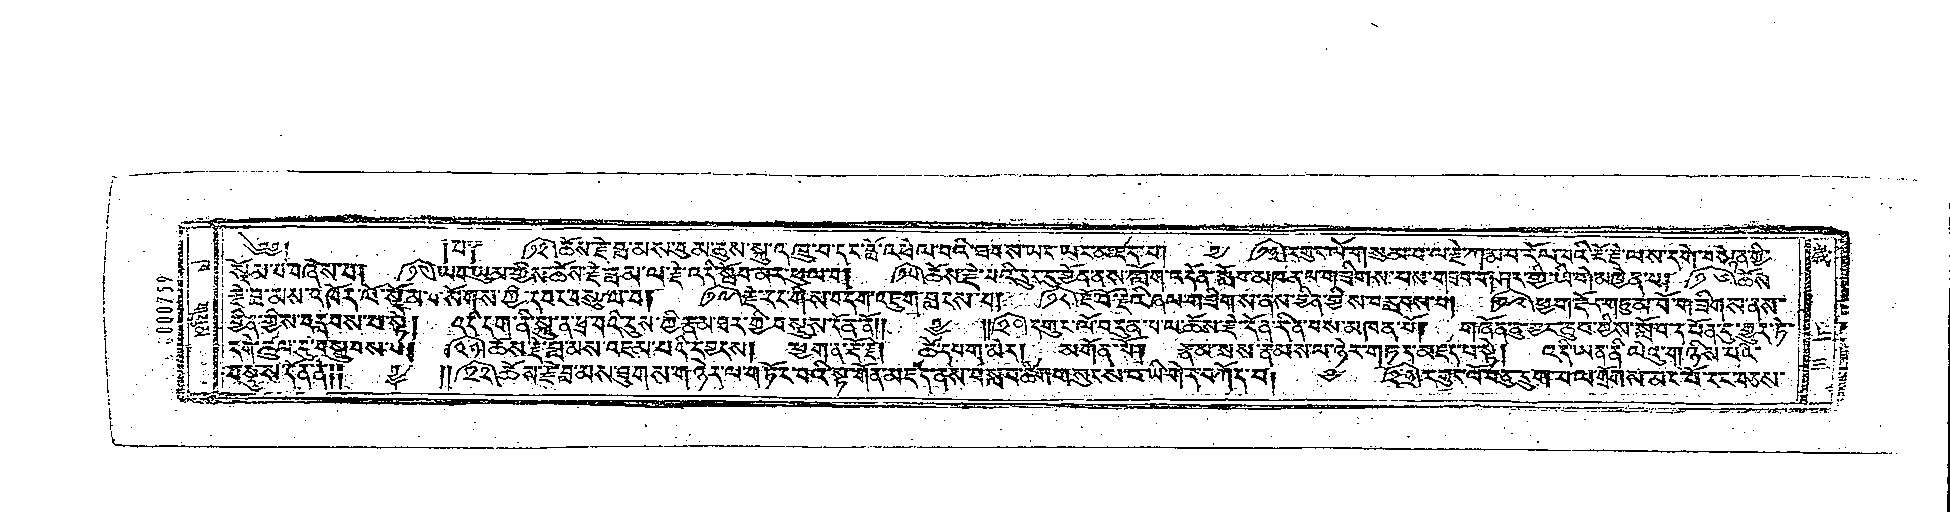༄༅། །པ༑ ༼༡༢?་ཆོས་རྗེ་བླ་མས་བུམ་ཆུས་སྐུ་འཁྲུ་བ་དང་བློ་འཕེལ་བའི་ཐབས་ཡང་ཡང་མཛད་པ། ༧་༽༡༣?་དགུང་ལོ་གསུམ་པ་ལ་རྗེ་ཀརྨ་པ་རོལ་པའི་རྡོ་རྗེ་ལས་དགེ་བསྙེན་གྱི་
སྡོམ་པ་བཞེས་པ། ༼༡༤?་ཡབ་ཡུམ་གྱིས་ཆོས་རྗེ་བླ་མ་ལ་རྗེ་འདི་སློབ་མར་ཕུལ་བ། ༽༡༥?་ཆོས་རྗེ་པའི་དྲུང་དུ་བྱོན་ནས་ཀློག་འདོན་སློབ་མཁན་ལ་གཟིགས་པས་གཟབ་གཤར་གྱི་ཡི་གེ་མཁྱེན་པ། ༡༦?་ཆོས་
རྗེ་བླ་མས་འཁོར་ལོ་སྡོམ་པ་སོགས་ཀྱི་དབང་བསྩལ་བ། ༼༡༧?་རྗེ་རང་གིས་བདག་འཇུག་བླངས་པ། ༽༡༨?་ཇོ་བོ་རྗེའི་ཞལ་གཟིགས་ནས་བྱིན་གྱིས་བརླབས་པ། ༡༢?་ཕྱག་རྡོར་གཏུམ་པོ་གཟིགས་ནས་
བྱིན་གྱིས་བརླབས་པ་སྟེ། འདི་དག་ནི་སྐུ་ན་ཕྲ་བའི་དུས་ཀྱི་རྣམ་ཐར་གྱི་བསྡུས་དོན་ནོ།། ༧་།།༢༠?་དགུང་ལོ་བདུན་པ་ལ་ཆོས་རྗེ་དོན་རིན་པས་མཁན་པོ། གཞོན་ནུ་བྱང་ཆུབ་ཀྱིས་སློབ་དཔོན་དུ་གྱུར་ཏེ་
དགེ་ཚུལ་དུ་བསྒྲུབས་པ། ༢༡?་ཆོས་རྗེ་བླ་མས་འཇམ་པའི་དབྱངས། ཕྱག་ན་རྡོ་རྗེ། ཚེ་དཔག་མེད། མགོན་པོ། རྣམ་སྲས་རྣམས་ལ་ཉེར་གཏད་མཛད་པ་སྟེ། འདི་ཡན་ནི་ལེའུ་གཉིས་པའི་
བསྡུས་དོན་ནི།། ༧་།།༼༢༢?་ཆོས་རྗེ་བླ་མས་ཐུགས་གཉེར་ལ་གཏོང་བའི་སྟ་གོན་མཛད་ནས་བསླབ་ཚིག་གསུངས་པ་ཡི་གེར་བཀོད་པ། ༧་༽༢༣?་དགུང་ལོ་བཅུ་དྲུག་པ་ལ་གྲོགས་མང་པོ་དང་བཅས་